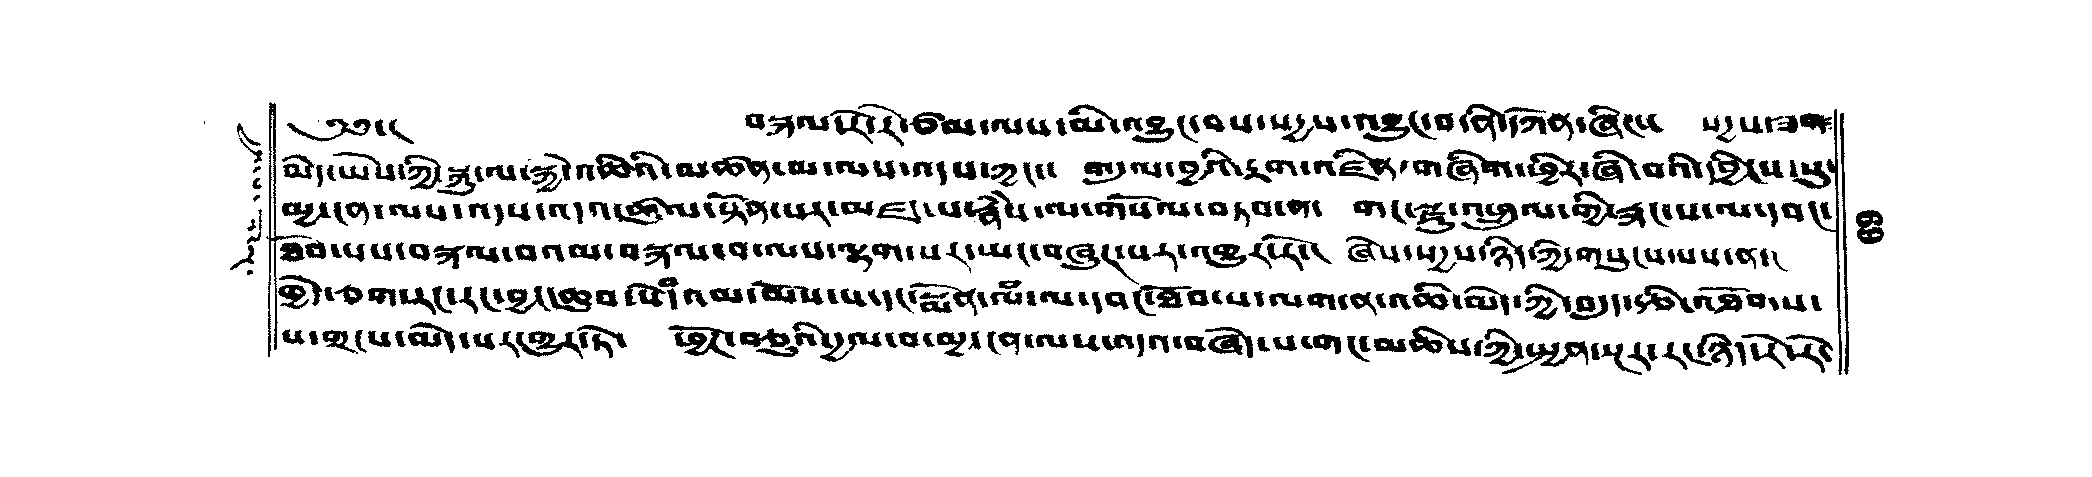བསྐལ་རེ་རེ་ཙམ་ལས་མི་འབྱུང་བས་སངས་རྒྱས་འབྱུང་བ་ནི་དཀོན་ཞིང་། སངས་རྒྱས་ཟག་
མེད་ཡོས་ཀྱི་སྐུ་ལ་སྐྱེ་འཆིའི་མཚན་མ་ལས་འདས་ཀྱང་། གདུལ་བྱའི་རྟག་འཛིན་གཞིག་ཕྱིར་ཞི་བའི་དབྱིངས་སུ་
མྱ་ངན་ལས་འདས་འདའ་ཚུལ་སྟོན་པར་མཛད་པ་རྣམས་ལ་གསོལ་བཏབ་ན། གང་རྫུ་འཕྲུལ་གྱི་རྐང་པ་ལ་དབང་
ཐོབ་པས་བསྐལ་བའམ་བསྐལ་བ་ལས་ལྷག་པར་ཡང་བཞུགས་པར་འགྱུར་རོ། ཞེས་སངས་རྒྱས་ཉིད་ཀྱི་གསུངས་པས་ན། 
ཁྱེད་ཅག་རང་རང་བྱང་ཆུབ་སེམས་དཔའ་འམ་མོས་པ་དང་སྨོན་ལམ་ལ་དབང་ཐོབ་པ་ལག་ན་འཆི་མེད་ཀྱི་བདུད་རྩི་འཐོགས་
པ་གྲངས་མེད་པར་གྱུར་ཏེ། ཕྱོགས་བཅུའི་རྒྱལ་བ་མྱ་ངན་ལས་འདའ་བཞེད་པ་གང་མཆིས་ཀྱི་སྤྱན་སྔར་རང་ཉིད་རེ་རེ་